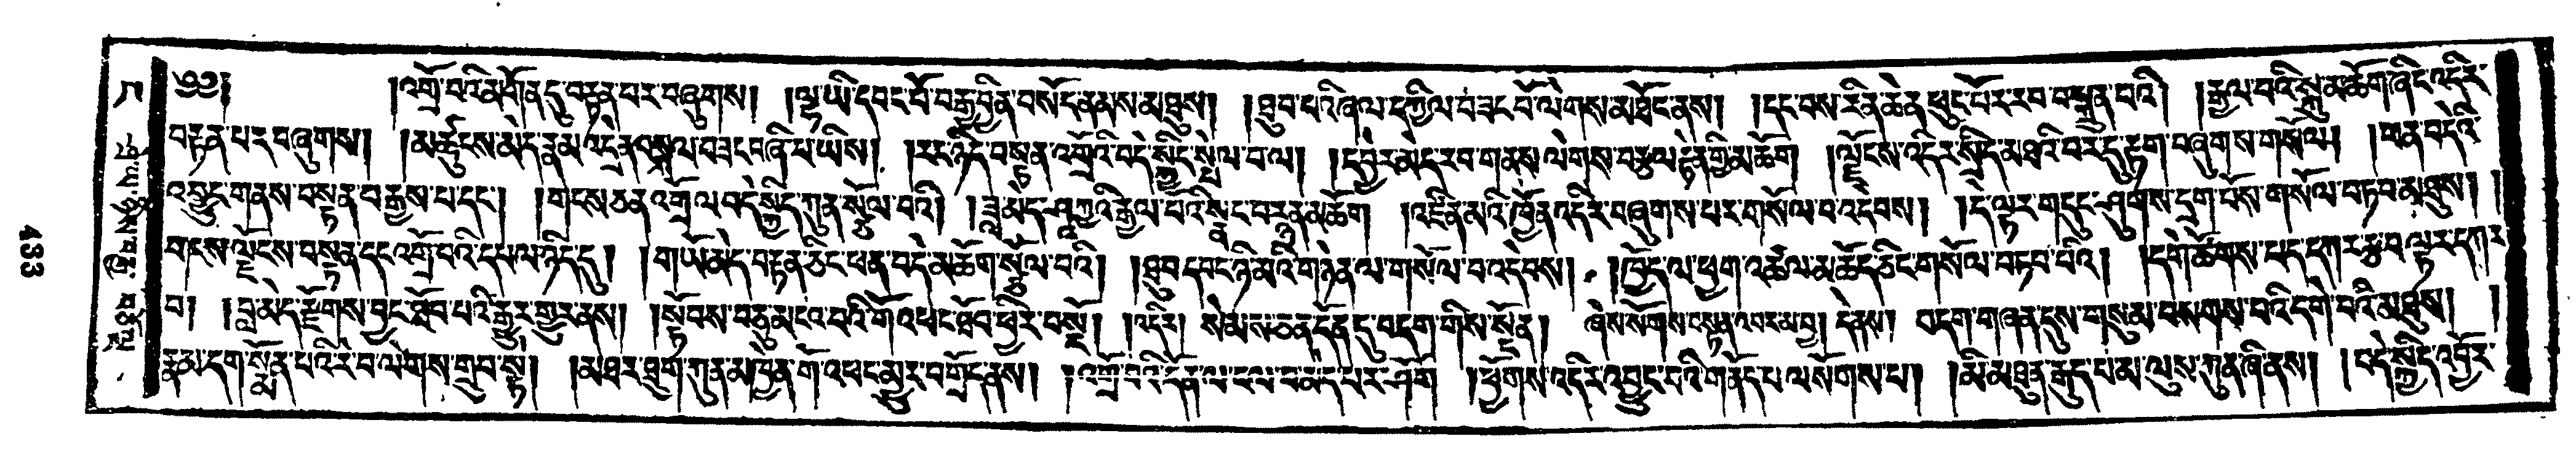༄༅། །འགྲོ་བའི་མགོན་དུ་བརྟན་བར་བཞུགས། །ལྷ་ཡི་དབང་པོ་བརྒྱ་བྱིན་བསོད་ནམས་མཐུས། །ཐུབ་པའི་ཞལ་དཀྱིལ་བཟང་བོ་ལེགས་མཐོང་ནས། །དང་བས་རིན་ཆེན་ཕུང་པོར་རབ་བསྐྲུན་བའི། །རྒྱལ་བའི་སྐུ་མཆོག་ཞིང་འདིར་
བརྟན་པར་བཞུགས། །མཚུངས་མེད་རྣམ་འདྲེན་བསྐལ་བཟང་བཞི་པ་ཡིས། །རང་ཉིད་བསྟན་འགྲོའི་བདེ་སྐྱིང་སྤེལ་བ་ལ། །དབྱེར་མེད་རབ་གནས་ལེགས་བརྩལ་རྟེན་གྱི་མཆོག །ལྗོངས་འདིར་སྲིད་མཐའི་བར་དུ་རྟག་བཞུགས་གསོལ། །ཕན་བདེའི་
འབྱུང་གནས་བསྟན་བརྒྱས་པ་དང་། །གངས་ཅན་འགྲོ་ལ་བདེ་སྐྱིད་ཀུན་སྩོལ་བའི། །ཟླ་མེད་ཤཱཀྱའི་རྒྱལ་པོའི་སྣང་བརྙན་མཆོག །འཛིན་མའི་ཁྱོན་འདིར་བཞུགས་པར་གསོལ་བ་འདེབས། །དེ་ལྟར་གདུང་ཤུགས་དྲག་པོས་གསོལ་བཏབ་མཐུས། །
གངས་ལྗོངས་བསྟན་དང་འགྲོ་བའི་དཔལ་ཉིད་དུ། །གཡོ་མེད་བརྟན་ཅིང་ཕན་བདེ་མཆོག་སྩོལ་བའི། །ཐུབ་དབང་ཉི་མའི་གཉེན་ལ་གསོལ་བ་འདེབས། །ཁྱོད་ལ་ཕྱག་འཚལ་མཆོད་ཅིང་གསོལ་བཏབ་བའི། །དགེ་ཚོགས་པད་དཀར་རྩ་བ་ལྟར་དཀར་
བ། །བླ་མེད་རྫོགས་བྱང་ཐོབ་པའི་རྒྱུར་གྱུར་ནས། །སྟོབས་བཅུ་མངའ་བའི་གོ་འཕང་ཐོབ་ཕྱིར་བསྔོ། །འདིར། སེམས་ཅན་དོན་དུ་བདག་གིས་སྔོན། ཞེས་སོགས་བསྟན་འབར་མ་བྱ། དེ་ནས། བདག་གཞན་དུས་གསུམ་བསགས་བའི་དགེ་བའི་མཐུས། །
རྣམ་དག་སྨོན་པའི་རེ་བ་ལེགས་གྲུབ་སྟེ། །མཐར་ཐུག་ཀུན་མཁྱེན་གོ་འཕང་མྱུར་བགྲོད་ནས། །འགྲོ་བའི་དོན་ལ་ངལ་བ་མེད་པར་ཤོག །ཕྱོགས་འདིར་འབྱུང་བའི་གནོད་པ་ལ་སོགས་པ། །མི་མཐུན་རྒུད་པ་མ་ལུས་ཀུན་ཞི་ནས། །བདེ་སྐྱིད་འབྱོར་